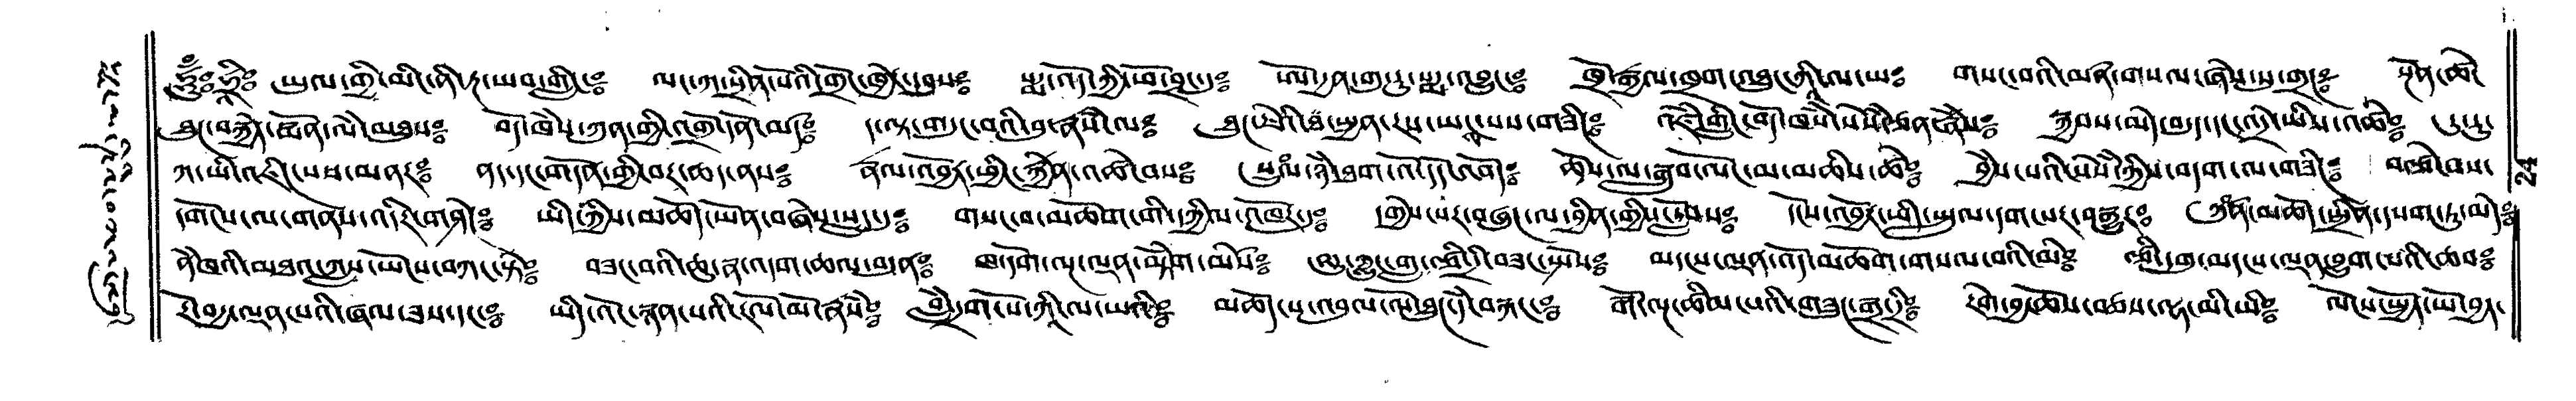ཧཱུྃ་ཧྲཱི༔ ཡུལ་གྱི་མིང་ནི་རྔ་ཡབ་གླིང༔ ལང་ཀ་སྲིན་པོའི་གྲོང་ཁྱེར་དབུས༔ པདྨ་འོད་ཀྱི་ཕོ་བྲང་དུ༔ ཨོ་རྒྱན་གུ་རུ་པདྨ་འབྱུང༔ ཁྲོ་རྒྱལ་ཁྲག་འཐུང་ཀཱི་ལ་༔ གསང་བའི་མཚན་གསོལ་ཞེས་སུ་གྲགས༔ སྔོན་ཚེ་
ཐུགས་བསྐྱེད་སྨོན་ལམ་མཐུས༔ བོད་ཁམས་ཀུན་གྱི་འགྲོ་དོན་མཛད༔ ད་ལྟ་གདུང་བའི་བུ་རྣམས་ལ༔ ཐུགས་རྗེའི་སྤྱན་རས་ཡངས་པས་གཟིགས༔ འཛམ་གླིང་བོད་ཁམས་སེམས་ཅན་རྣམས༔ སྐྱབས་མེད་བདུད་དང་འདྲེ་ཡིས་འཚེ༔ དུ་རུ་
ཀ་ཡི་འཇིགས་པས་མནར༔ ནད་དང་གདོན་གྱིས་བར་བཅད་ནས༔ རྣལ་འབྱོར་ཕྱི་ནང་རྐྱེན་འཚེ་བས༔ སྡུག་བསྔལ་ཉམ་ཐག་འོ་དོད་འབོད༔ ཆོས་ལ་སྒྲུབ་ལོང་མ་མཆིས་ཚེ༔ བྱམས་པའི་སེམས་ཀྱིས་བདག་ལ་གཟིགས༔ བརྩེ་བས་
དགོངས་ལ་གནས་འདིར་གཤེགས༔ ཡིད་ཀྱིས་མཆོད་ཡོན་བཞེས་སླད་དུ༔ གསང་བ་མཆོག་གི་དཀྱིལ་འཁོར་དུ༔ དགྱེས་པར་བཞུགས་ལ་བྱིན་གྱིས་རློབས༔ དངོས་འབྱོར་ཡིད་སྤྲུལ་དག་པར་སྒྱུར༔ ཀུན་བཟང་མཆོད་སྤྲིན་དཔག་ཏུ་མེད༔ 
ནམ་མཁའི་མཐའ་ཀླང་ཡོངས་བཀང་སྟེ༔ བཟང་བའི་ཆུ་སྣ་འདག་ཆལ་བདུན༔ ཁ་དོག་ལྔ་ལྡན་མེ་ཏོག་མཛེས༔ ཆུ་ཀླུ་གླ་རྩི་དྲི་བཟང་སྤོས༔ མདངས་ལྡན་འོད་མཆོག་གསལ་བའི་མེ༔ རྩི་དགུ་མདངས་ལྡན་བྱུག་པའི་ཆབ༔ 
རོ་བརྒྱ་ལྡན་པའི་ཞལ་ཟས་དང༔ ཡིད་འོང་སྙན་པའི་རོལ་མོ་རྣམས༔ བླ་མ་དྲག་པོ་ཀཱི་ལ་ཡ༔ མཆོད་པ་འབུལ་ལོ་ཐུགས་དམ་བསྐང༔ སྒོ་ལྔ་ཚིམ་པའི་གཟུགས་སྒྲ་དྲི༔ རེག་བྱ་ཆོས་བཅས་ལྷ་མི་ཡི༔ ལོངས་སྤྱོད་ཡོ་བྱད་